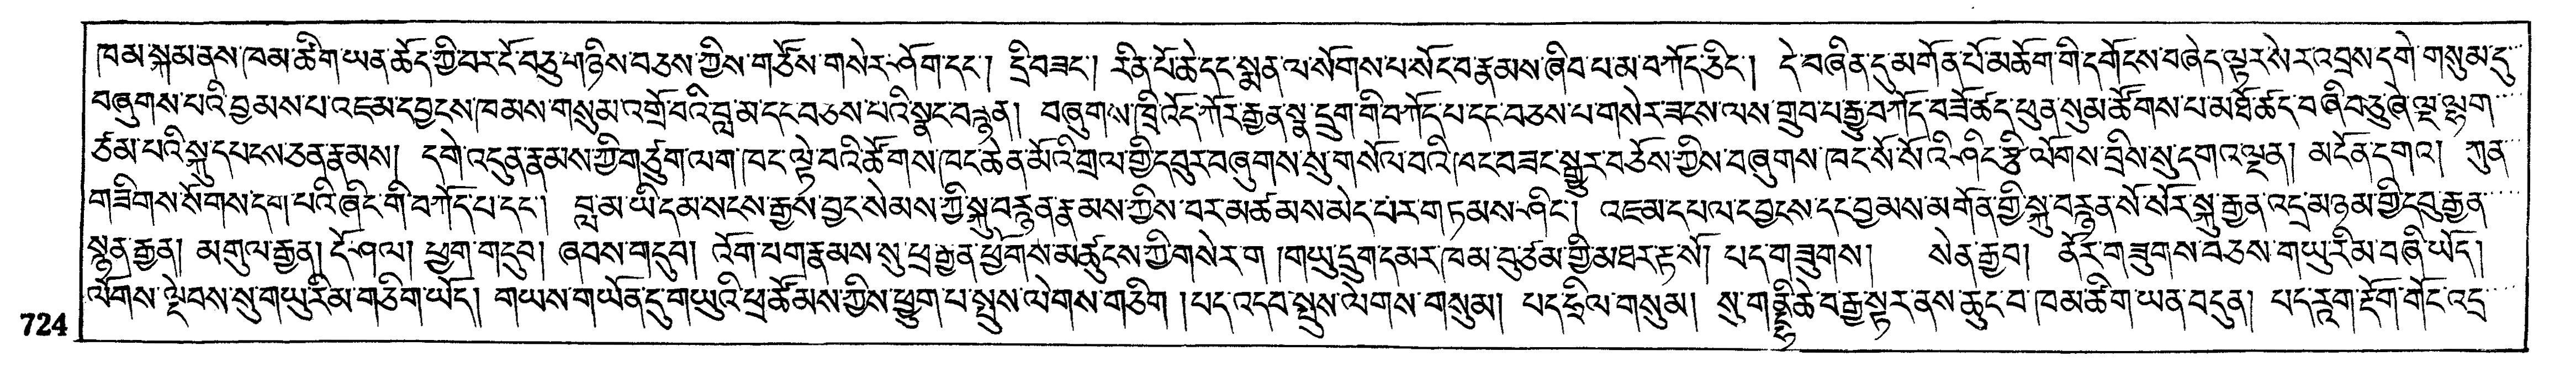ཁམ་སྐམ་ནས་ཁམ་ཚིག་ཡན་ཆོད་ཀྱི་བར་ངོ་བཅུ་གཉིས་བཅས་ཀྱིས་གཙོས་གསེར་ཤོག་དང་། དྲི་བཟང་། རིན་པོ་ཆེ་དང་སྨན་ལ་སོགས་པ་སོང་བ་རྣམས་ཞིབ་པ་མ་བཀོད་ཅིང་། དེ་བཞིན་དུ་མགོན་པོ་མཆོག་གི་དགོངས་བཞེད་ལྟར་སེར་འབྲས་དགེ་གསུམ་དུ་
བཞུགས་པའི་བྱམས་པ་འཇམ་དབྱངས་ཁམས་གསུམ་འགྲོ་བའི་བླ་མ་དང་བཅས་པའི་སྣང་བརྙན། བཞུགས་ཁྲི་འོད་ཀོར་རྒྱན་སྣ་དྲུག་གི་བཀོད་པ་དང་བཅས་པ་གསེར་ཟངས་ལས་གྲུབ་པ་རྒྱུ་བཀོད་བཟོ་ཚད་ཕུན་སུམ་ཚོགས་པ་མཐོ་ཚད་བཞི་བཅུ་ཞེ་ལྔ་ལྷག་
ཙམ་པའི་སྐུ་དཔངས་ཅན་རྣམས། དགེ་འདུན་རྣམས་ཀྱི་གཙུག་ལག་ཁང་ལྟེ་བའི་ཚོགས་ཁང་ཆེན་མོའི་གྲལ་གྱི་དབུར་བཞུགས་སུ་གསོལ་བའི་ཁང་བཟང་སྒྱུར་བཅོས་ཀྱིས་བཞུགས་ཁང་སོ་སོའི་ཤིང་རྩི་ལོགས་བྲིས་སུ་དགའ་ལྡན། མངོན་དགའ། ཀུན་
གཟིགས་སོགས་དག་པའི་ཞིང་གི་བཀོད་པ་དང་། བླ་མ་ཡི་དམ་སངས་རྒྱས་བྱང་སེམས་ཀྱི་སྐུ་བརྙན་རྣམས་ཀྱིས་བར་མཚམས་མེད་པར་གཏམས་ཤིང་། འཇམ་དཔལ་དབྱངས་དང་བྱམས་མགོན་གྱི་སྐུ་བརྙན་སོ་སོར་སྐུ་རྒྱན་འདྲ་མཉམ་གྱི་དབུ་རྒྱན་
སྙན་རྒྱན། མགུལ་རྒྱན། དོ་ཤལ། ཕྱག་གདུབ། ཞབས་གདུབ། འོག་བག་རྣམས་སུ་ཕྲ་རྒྱན་ཕྱོགས་མཚུངས་ཀྱི་གསེར་ག །གཡུ་དྲུག་དམར་ཁམ་བུ་ཙམ་གྱི་མཐར་རྟ་སོ། བག་གཟུགས། སེན་རྒྱབ། ནོར་གཟུགས་བཅས་གཡུ་རིམ་བཞི་ཡོང་།
ལོགས་ལྡེབས་སུ་གཡུ་རིམ་གཅིག་ཡོད། གཡས་གཡོན་དུ་གཡུའི་ཕྲ་ཚོམས་ཀྱིས་ཕྱུག་པ་སྤུས་ལེགས་གཅིག །པད་འདབ་སྦུས་ལེགས་གསུམ། པད་ཧྲིལ་གསུམ། སུ་གནྡྷ་ཆེ་བ་རྒྱ་སྟར་ནས་ཆུང་བ་ཁམ་ཚིག་ཡན་བདུན། པད་རཱ་ག་རྡོག་གོང་འདྲ་